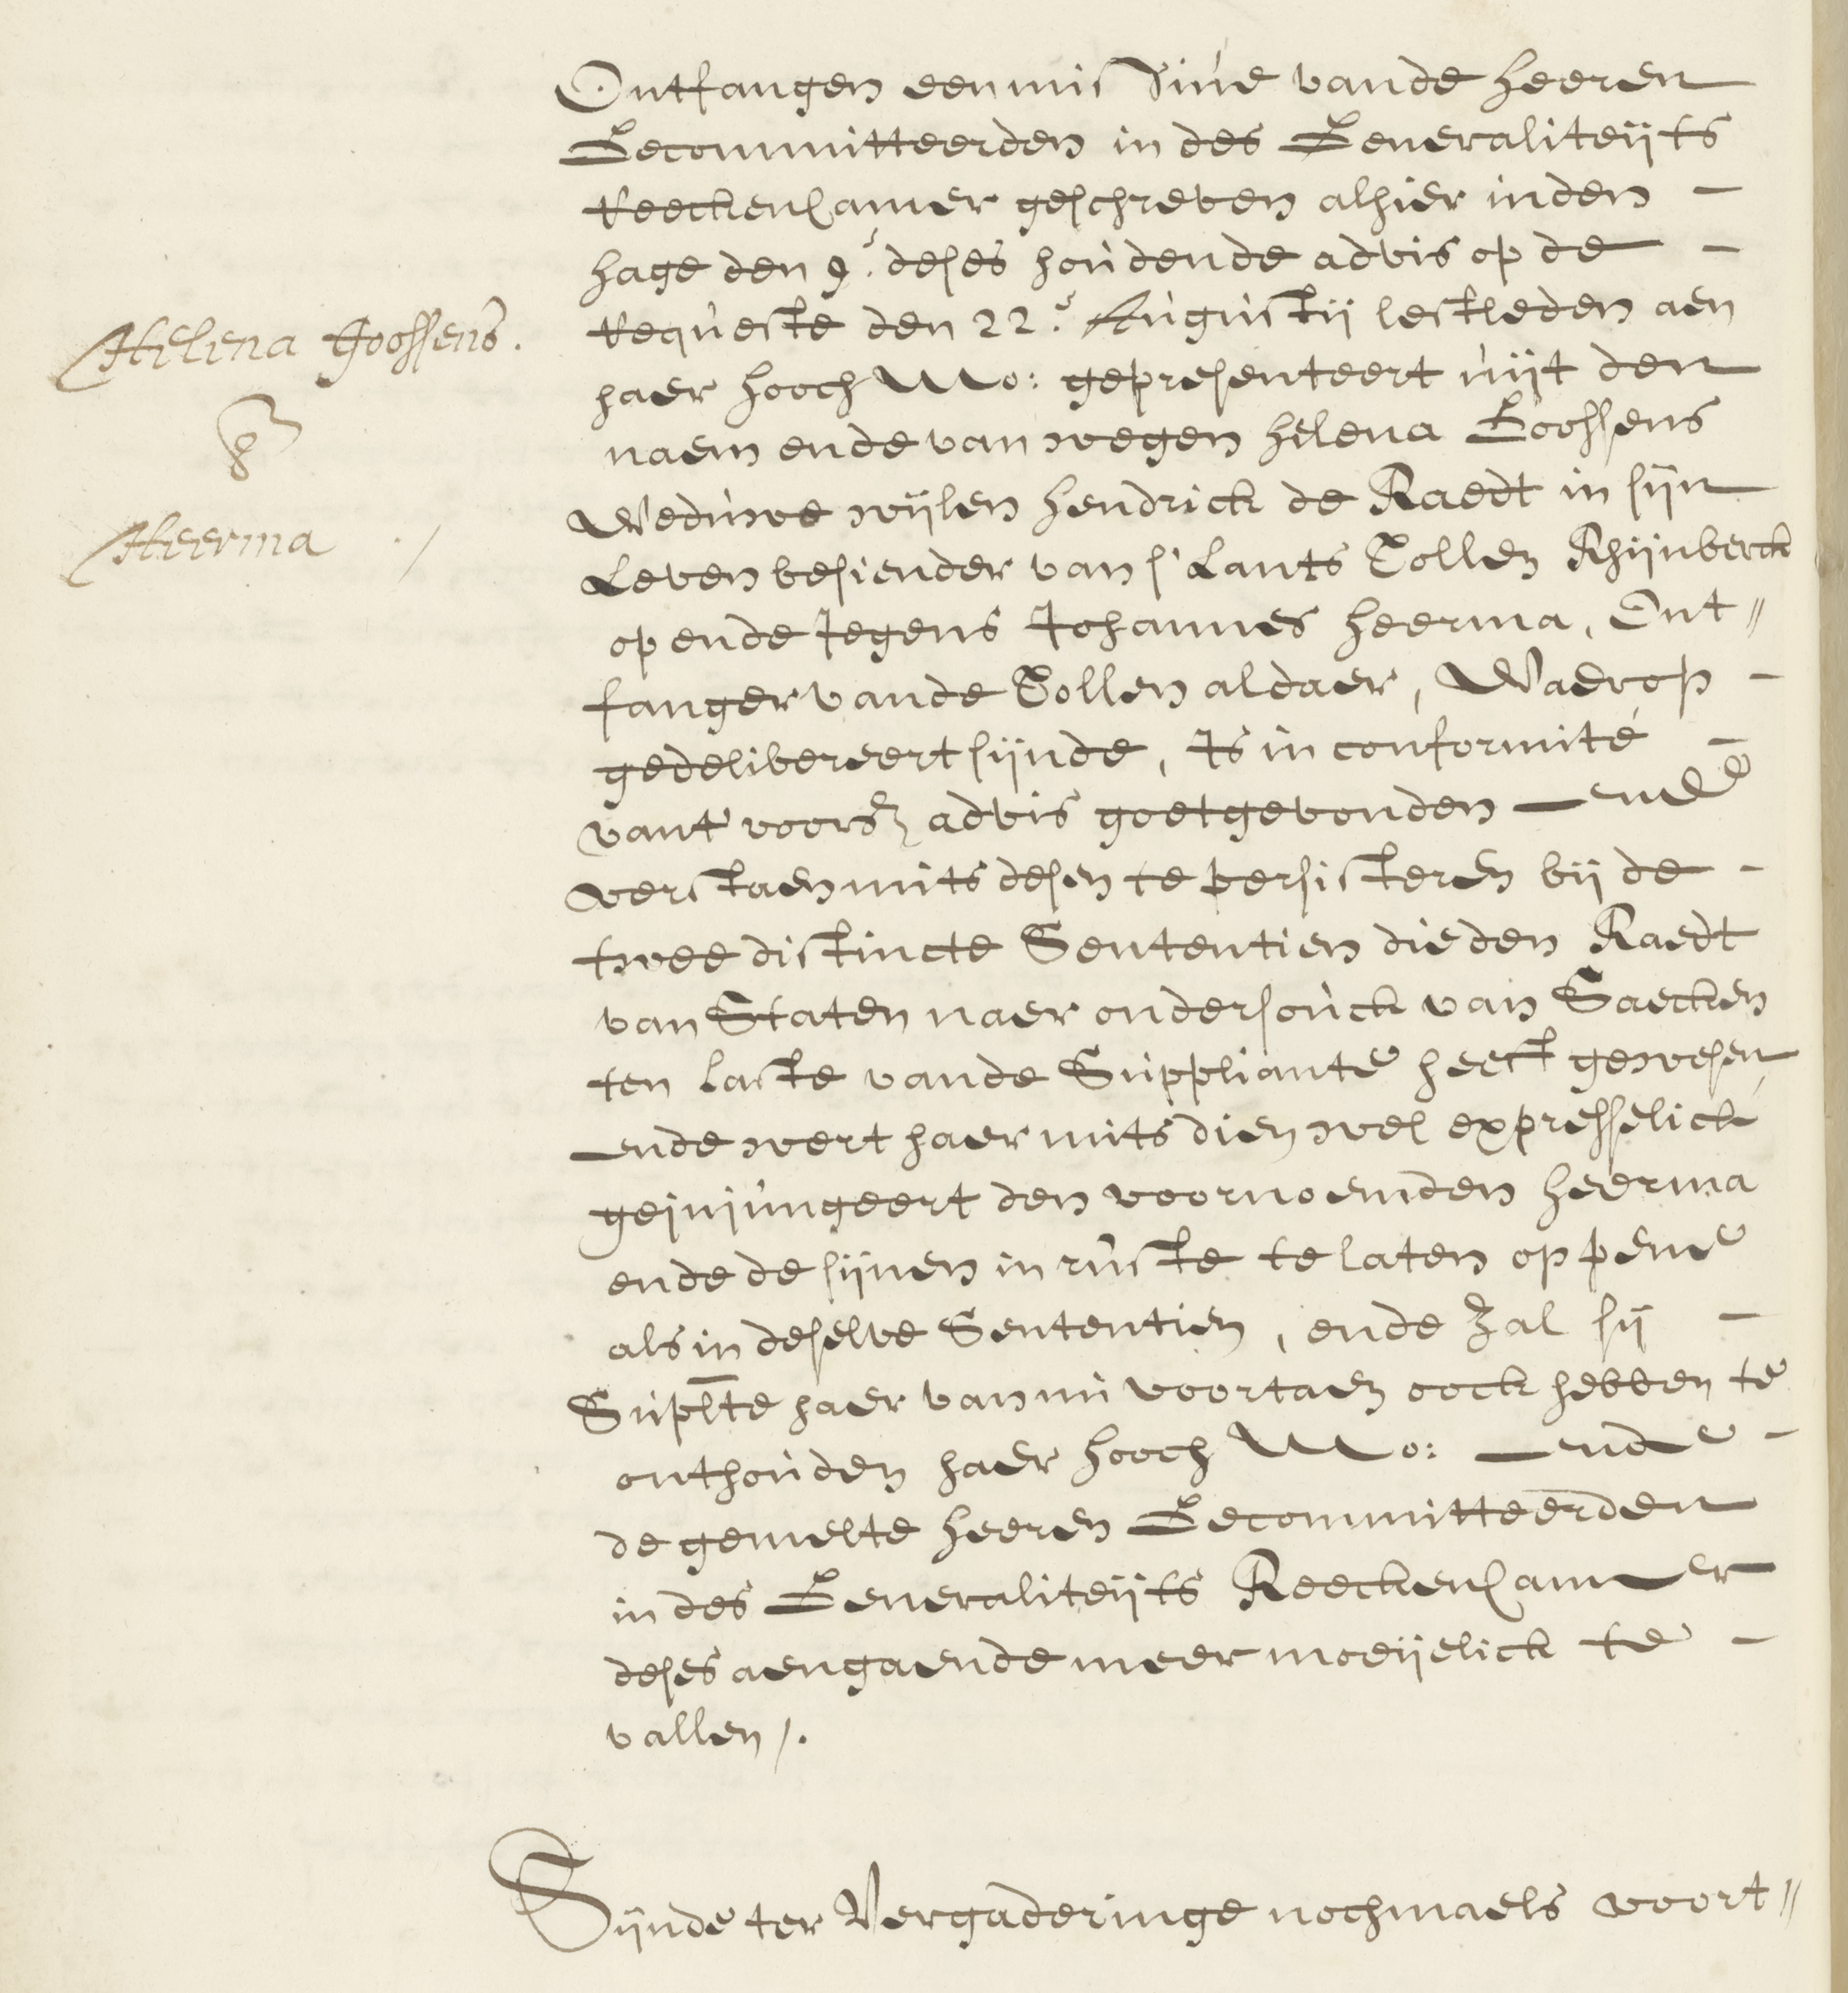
Helena Goossens.
ca
Heerma
Ontfangen een missiue vande heeren
Gecommitteerden in des Generaliteijts
ReeckenCamer geschreven alhier inden
hage den 9e. deses houdende advis op de
Requeste den 22e. Augustij lestleden aen
haer hooch Mo: gepresenteert uijt den
naem ende van wegen helena Goossens
Weduwe wijlen hendrik de Raedt in sijn
Leven besiender van s‛Lants Tollen Rhijnberck
op ende Jegens Johannes Heerma, Ont„
fanger vande Tollen aldaer, Waerop -
gedelibereert sijnde, Is in conformité -
vant voors advis goetgevonden ende
verstaen mits desen te persisteren bij de
twee distincte Sententien die den Raedt
van Staten naer ondersouck van Saecken
ten laste vande Suppliante heeft gewesen
ende wert haer mitsdien wel expresselick
geinjungeert den voornoemden heerma
ende de sijnen in ruste te laten op pene
als in deselve Sententien, ende zal sij
Suplte haer van nu voortaen oock hebben te
onthouden haer hooch Mo: Ende
de gemelte heeren Gecommitteerden
in des Generaliteijts ReeckenCamer
deses aengaende meer moeijelick te
vallen.
Sijnde ter Vergaderinge nochmaels voort„
